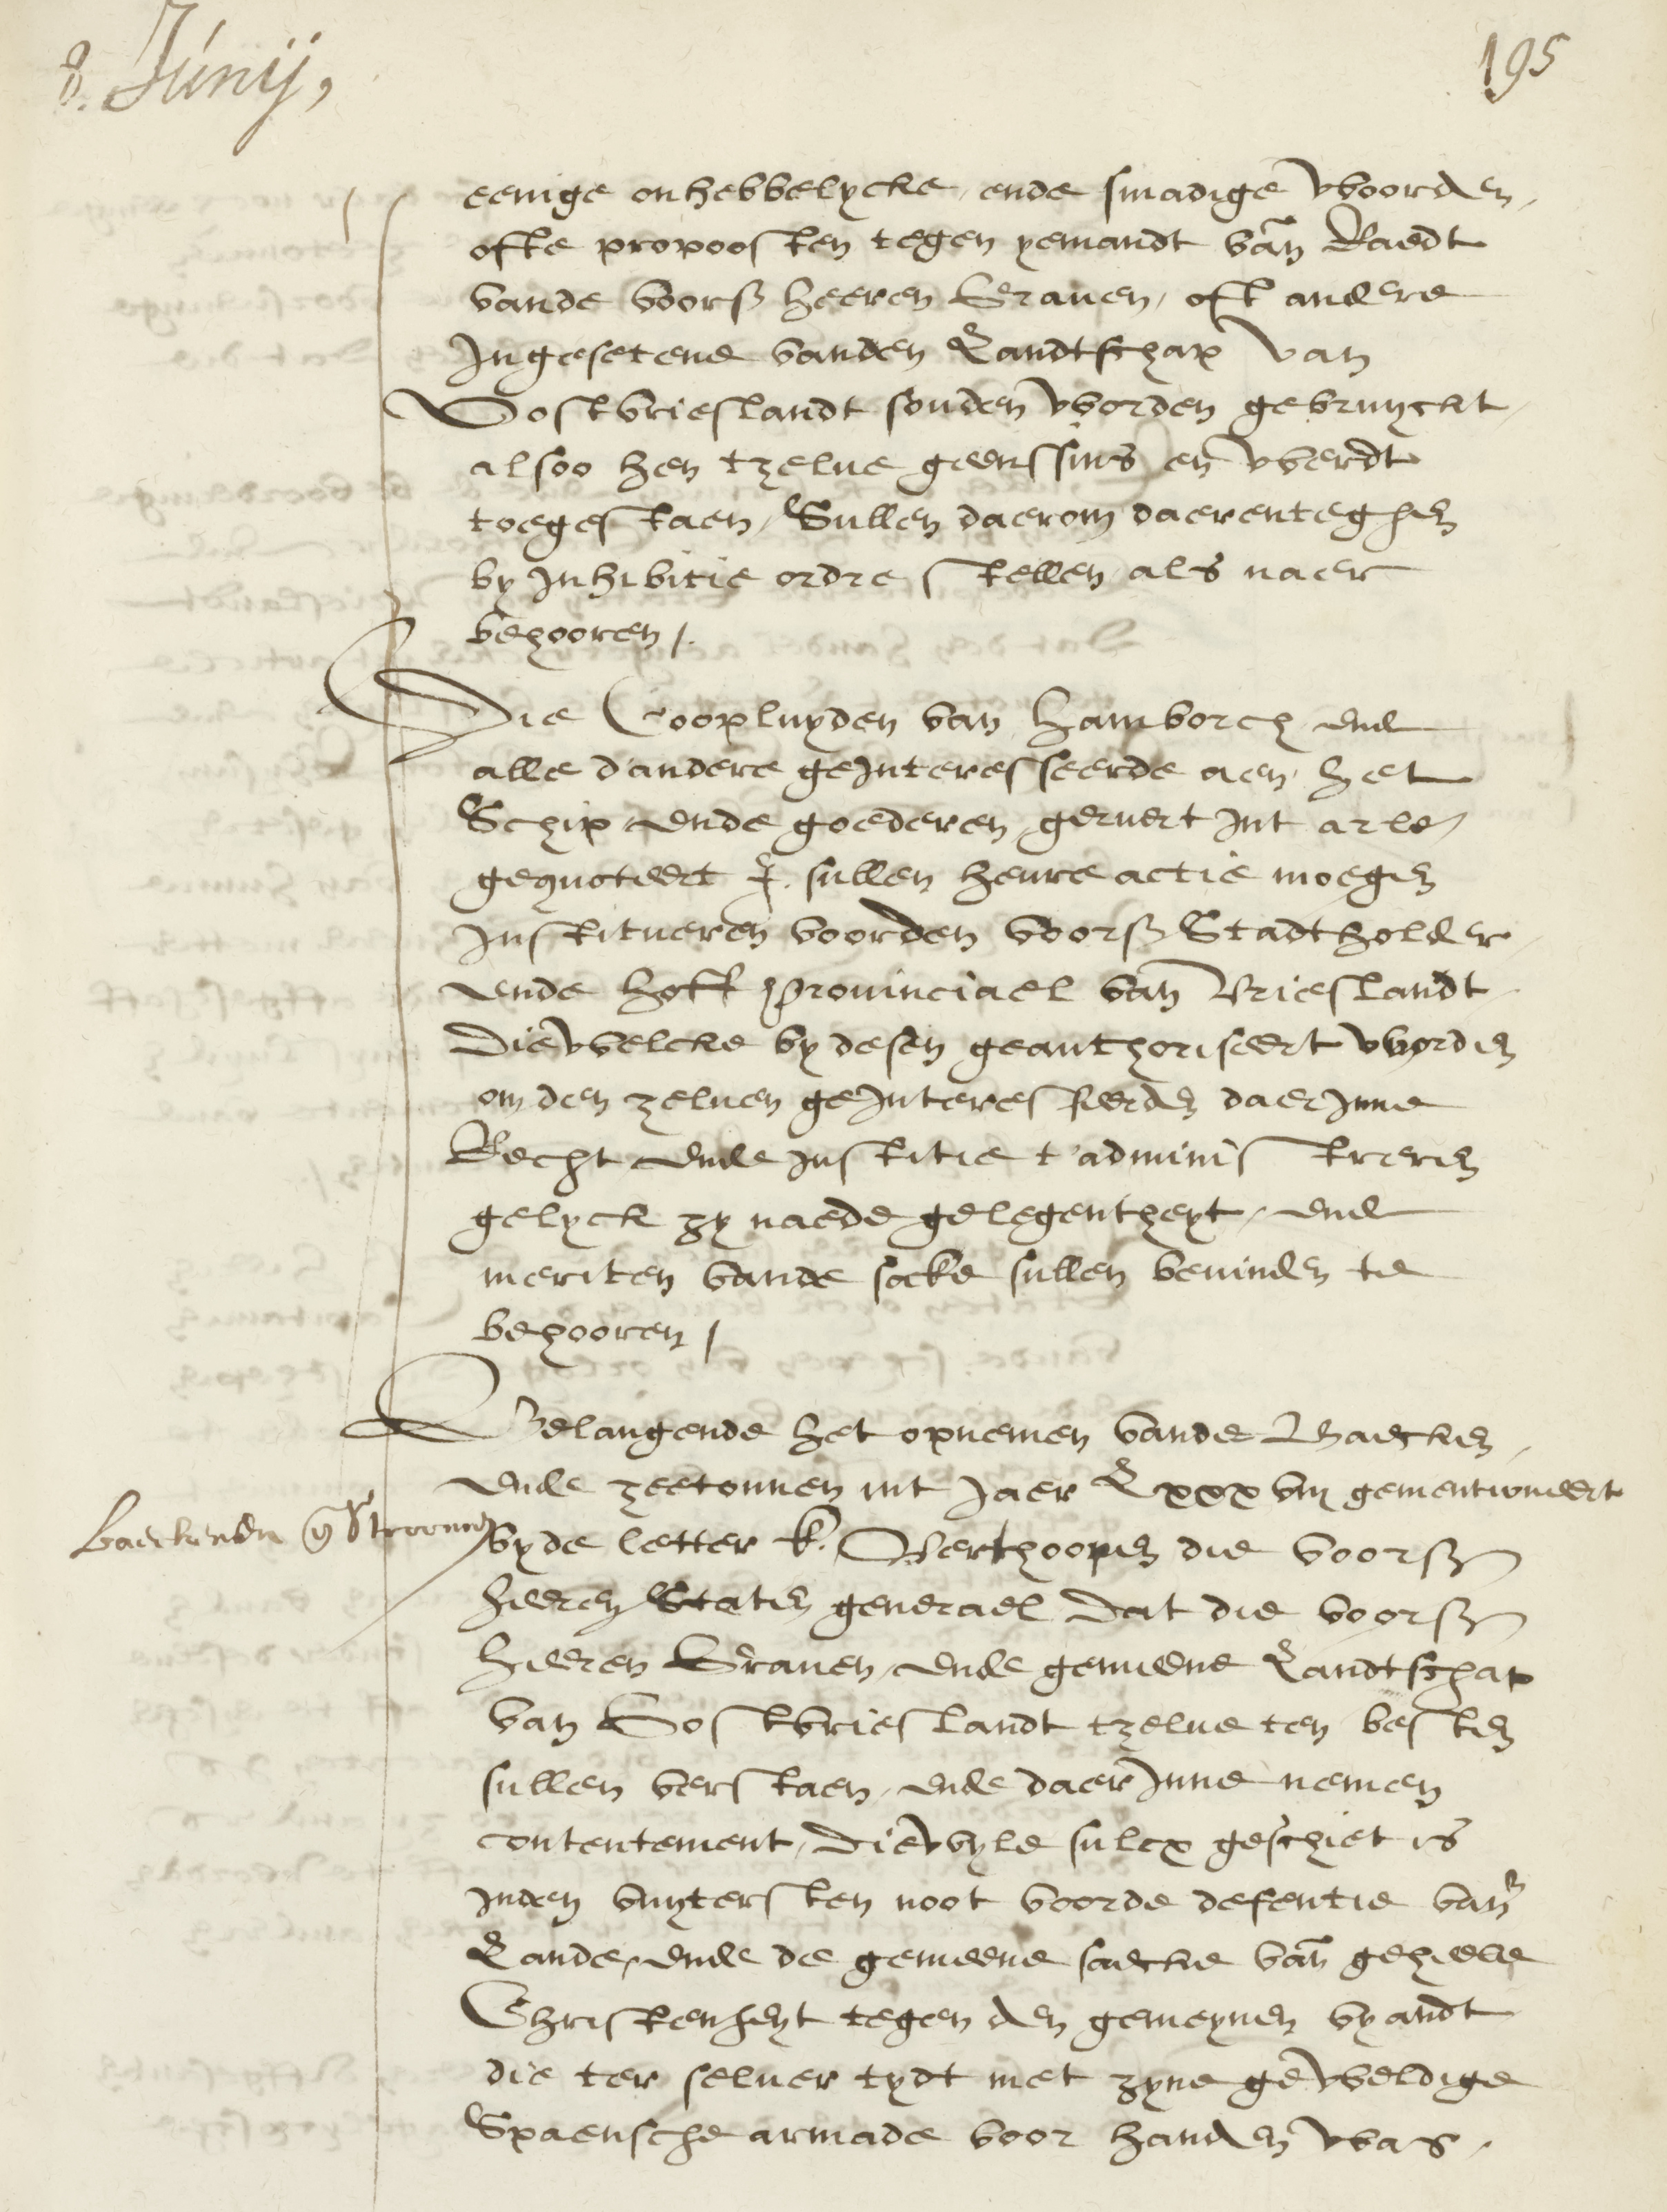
195
8 Junij
baeckenen & Stroomen
eenige onhebbelycke ende smadige woorden
ofte propoosten tegen yemandt van Raedt
vande voors heeren Grauen, off andere
ingesetene vanden Landtschap van
Oostvrieslandt souden worden gebruyckt
alsoo hen tzelue geenssins en werdt
toegestaen. Sullen daerom daerenteghen
by inhibitie ordre stellen als naer
behooren.
Die Coopluyden van Hamborch ende
alle d'andere geinteresseerde aen het
Schip ende goederen geruert int arle
gequoteert J. sullen heure actie moegen
institueren voorden voors Stadtholder
ende Hoff provinciael van Vrieslandt
die welcke by desen geauthoriseert worden
om den zeluen geinteresseerden daerinne
Recht ende justitie t'administreren
gelyck zy naede gelegentheyt, ende
meriten vande sake sullen beuinden te
behooren.
Belangende het opnemen vande Baecken,
ende zeetonnen int jaer lxxxviii gementioneert
by de letter R. verthoonen die voors
heeren Staten Generael dat die voors
heeren Grauen, ende gemeene Landtschap
van Oostvrieslandt tzelue ten besten
sullen verstaen ende daerinne nemen
contentement, diewyle sulcx geschiet is
inden vuytersten noot voorde defentie van
Lande, ende de gemeene saecke van geheele
Christenheyt tegen den gemeynen vyandt
die ter seluer tydt met zyne geweldige
Spaensche armade voor handen was.
